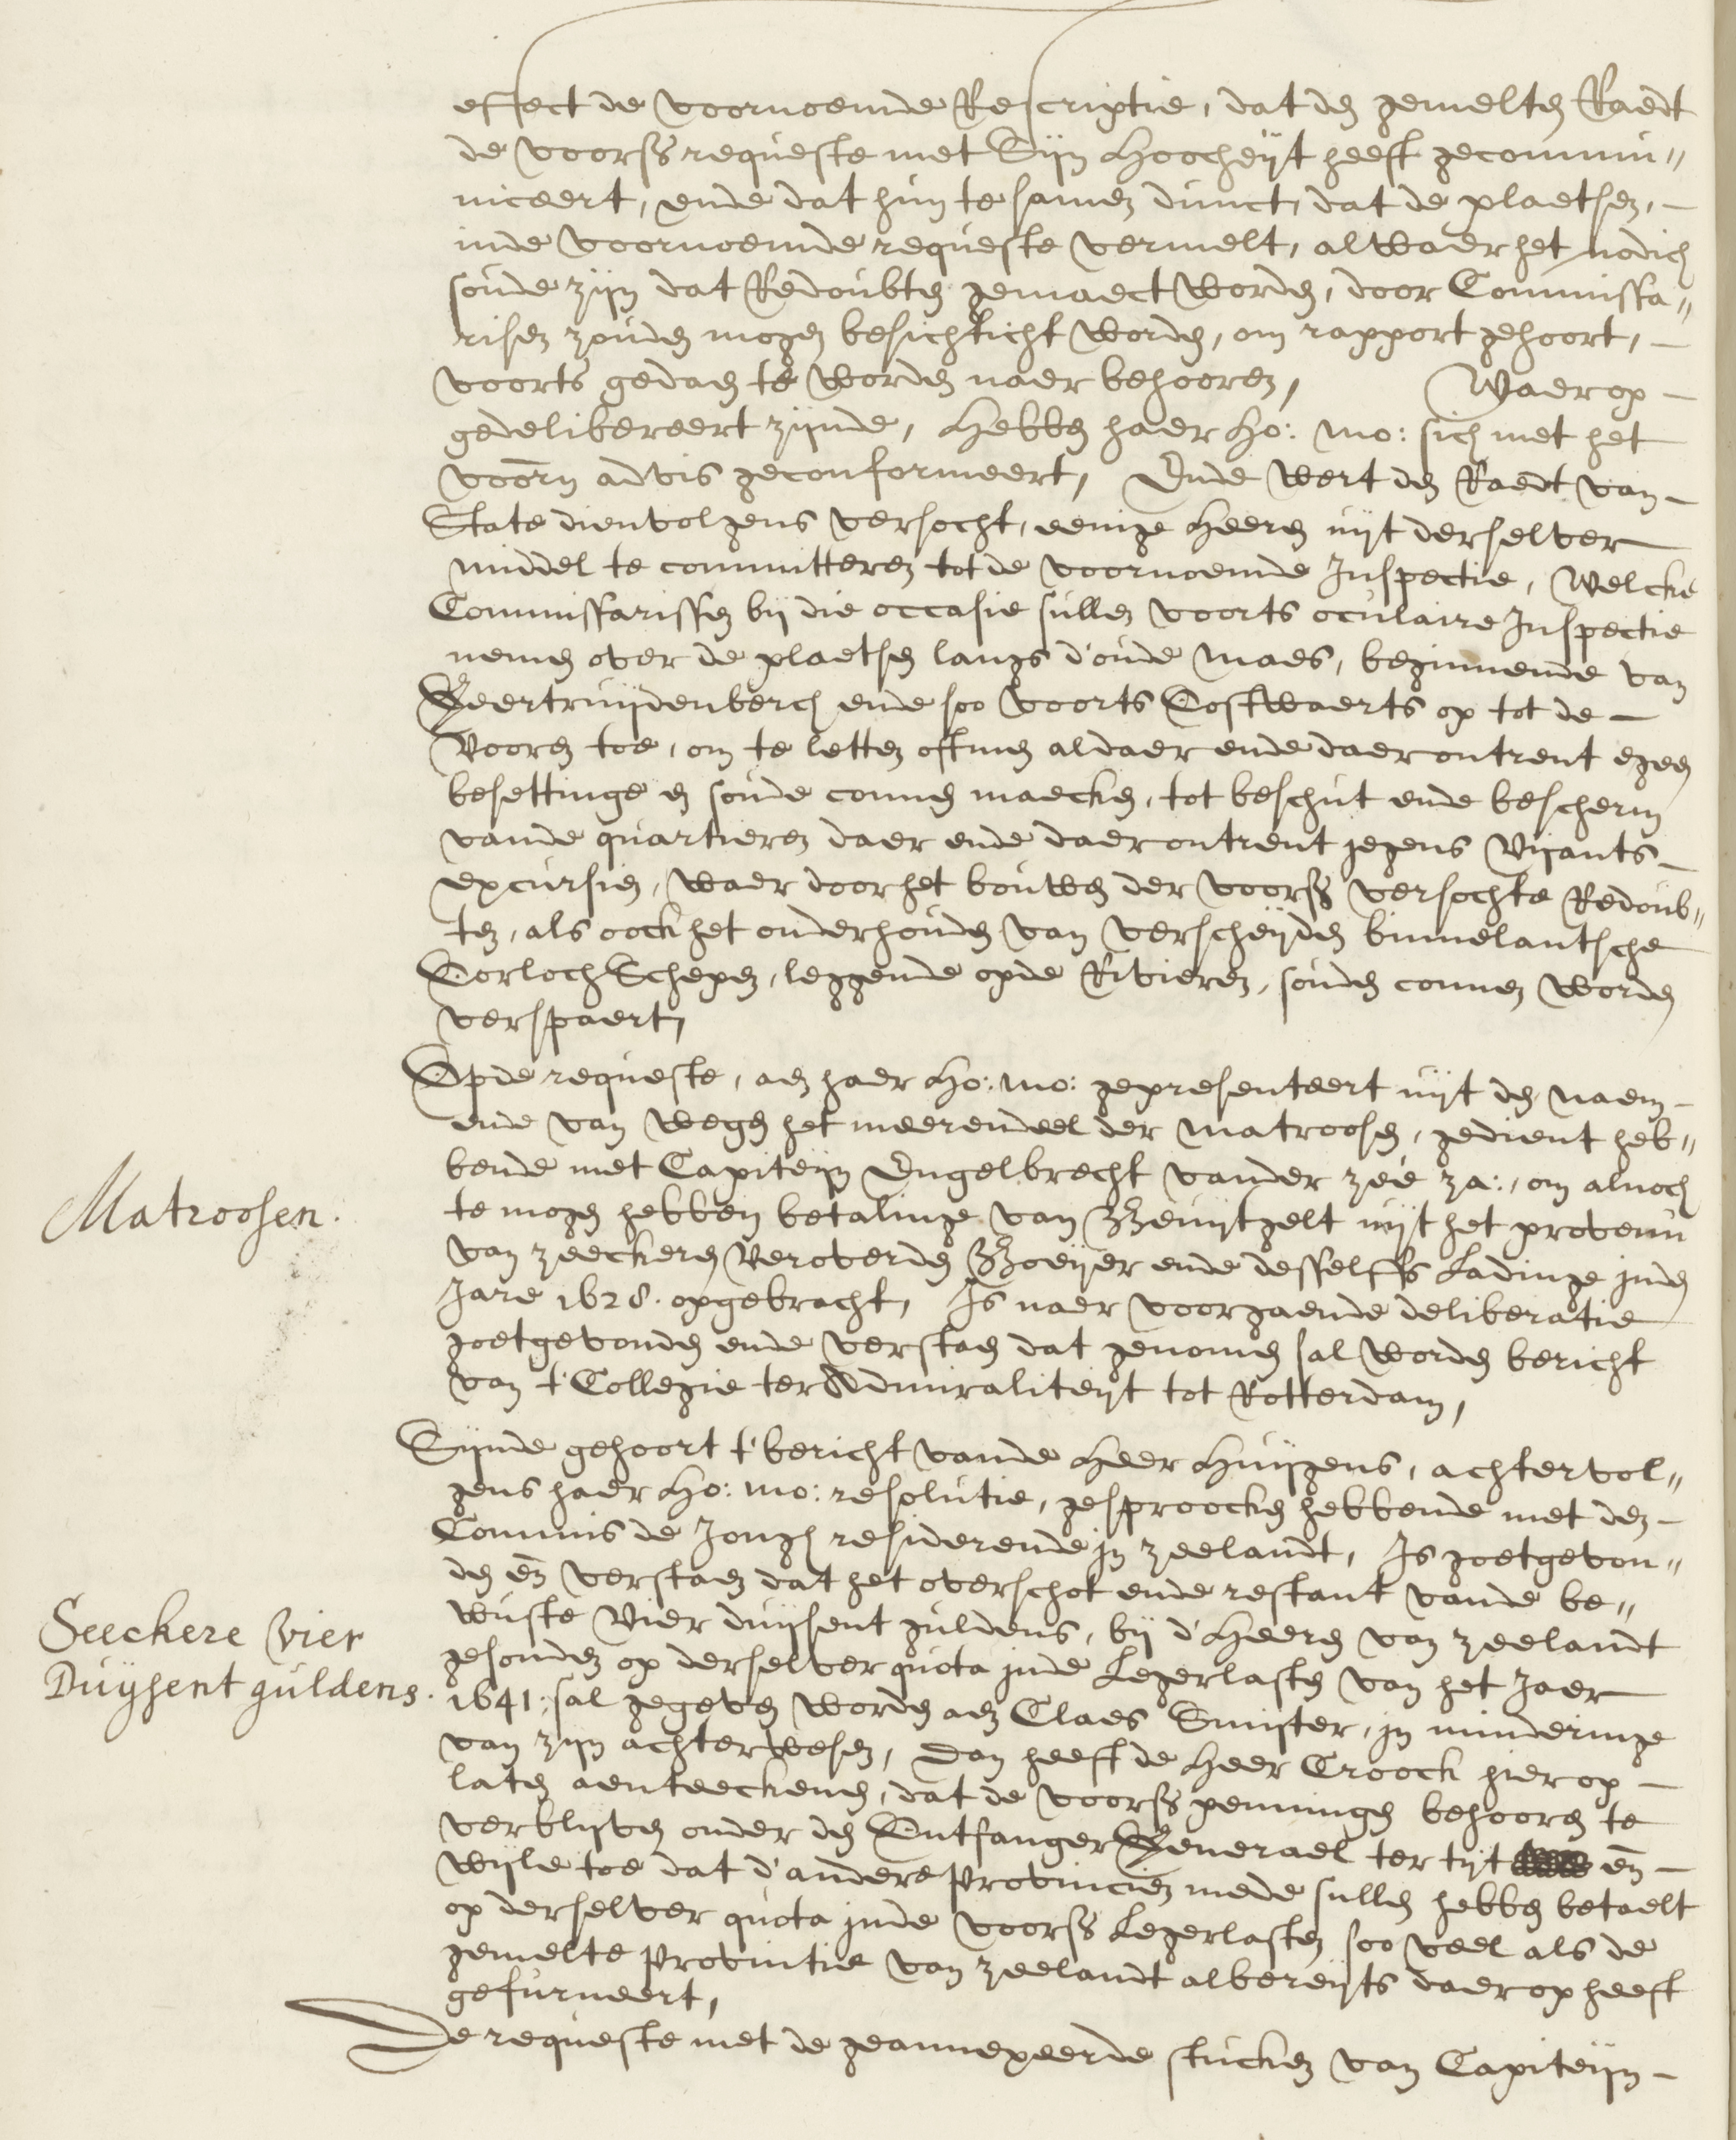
effect de voornoemde Rescriptie, dat den gemelten Raedt
de voors requeste met Sijn Hoocheijt heeft gecommu„
niceert, ende dat hun te samen dunct, dat de plaetsen, -
inde voornoemde requeste vermelt, alwaer het nodich
soude zijn dat Redoubten gemaect worden, door Commissa„
risen zouden mogen besichticht worden, om rapport gehoort,
voorts gedaen te worden naer behooren. Waerop
gedelibereert zijnde, hebben haer Ho:Mo: sich met het
voorn advis geconformeert. Ende wert den Raedt van —
State dienvolgens versocht, eenige heeren uijt derselver
middel te committeren tot de voornoemde Inspectie, Welcke
Commissarissen bij die occasie sullen voorts oculaire Inspectie
nemen over de plaetsen langs d'oude maes, beginnende van
Geertruijdenberch ende soo voorts Oostwaerts op tot de —
Vooren toe, om te letten offmen aldaer ende daerontrent egeen
besettinge en soude connen maecken, tot beschut ende bescherm
vande quartieren daer ende daerontrent jegens Vijants
excursien, waer door het bouwen der voors versochte Redoub,,
ten, als oock het onderhouden van verscheijden binnelantsche
OorlochSchepen, leggende opde Rivieren, souden connen worden
verspaert.
Matroosen.
Opde requeste, aen haer Ho:Mo: gepresenteert uijt den naem
ende van wegen het meerendeel der matroosen, gedient heb„
bende met Capiteijn Engelbrecht vander zee za:, om alnoch
te mogen hebben betalinge van Beuijtgelt uijt het provenu
van zeeckeren Veroverden Boeijer ende desselffs Ladinge inden
Jare 1628. opgebracht, Is naer voorgaende deliberatie
goetgevonden ende verstaen dat genomen sal worden bericht
van t'Collegie ter Admiraliteijt tot Rotterdam,
Seeckere vier
Duijsent guldens
Sijnde gehoort t'bericht vande Heer Huijgens, achtervol„
gens haer Ho:Mo: resolutie, gesproocken hebbende met den —
Commis de Jongh residerende in zeelandt, Is goetgevon„
den en verstaen dat het overschot ende restant vande be„
wuste Vier duijsent guldens, bij d'Heeren van zeelandt
gesonden op derselver quota inde Legerlasten van het Jaer
1641, sal gegeven worden aen Claes Smijter, in minderinge
van zijn achterwesen. Dan heeft de Heer Croock hierop
laten aenteeckenen, dat de voors penningen behooren te
verblijven onder den Ontfanger Generael ter tijt xxx en
wijle toe dat d'andere Provincien mede sullen hebben betaelt
op derselver quota inde voors Legerlasten soo veel als de
gemelte Provintie van zeelandt albereijts daerop heeft
gefurneert.
De requeste met de geannexeerde stucken van Capiteijn -
